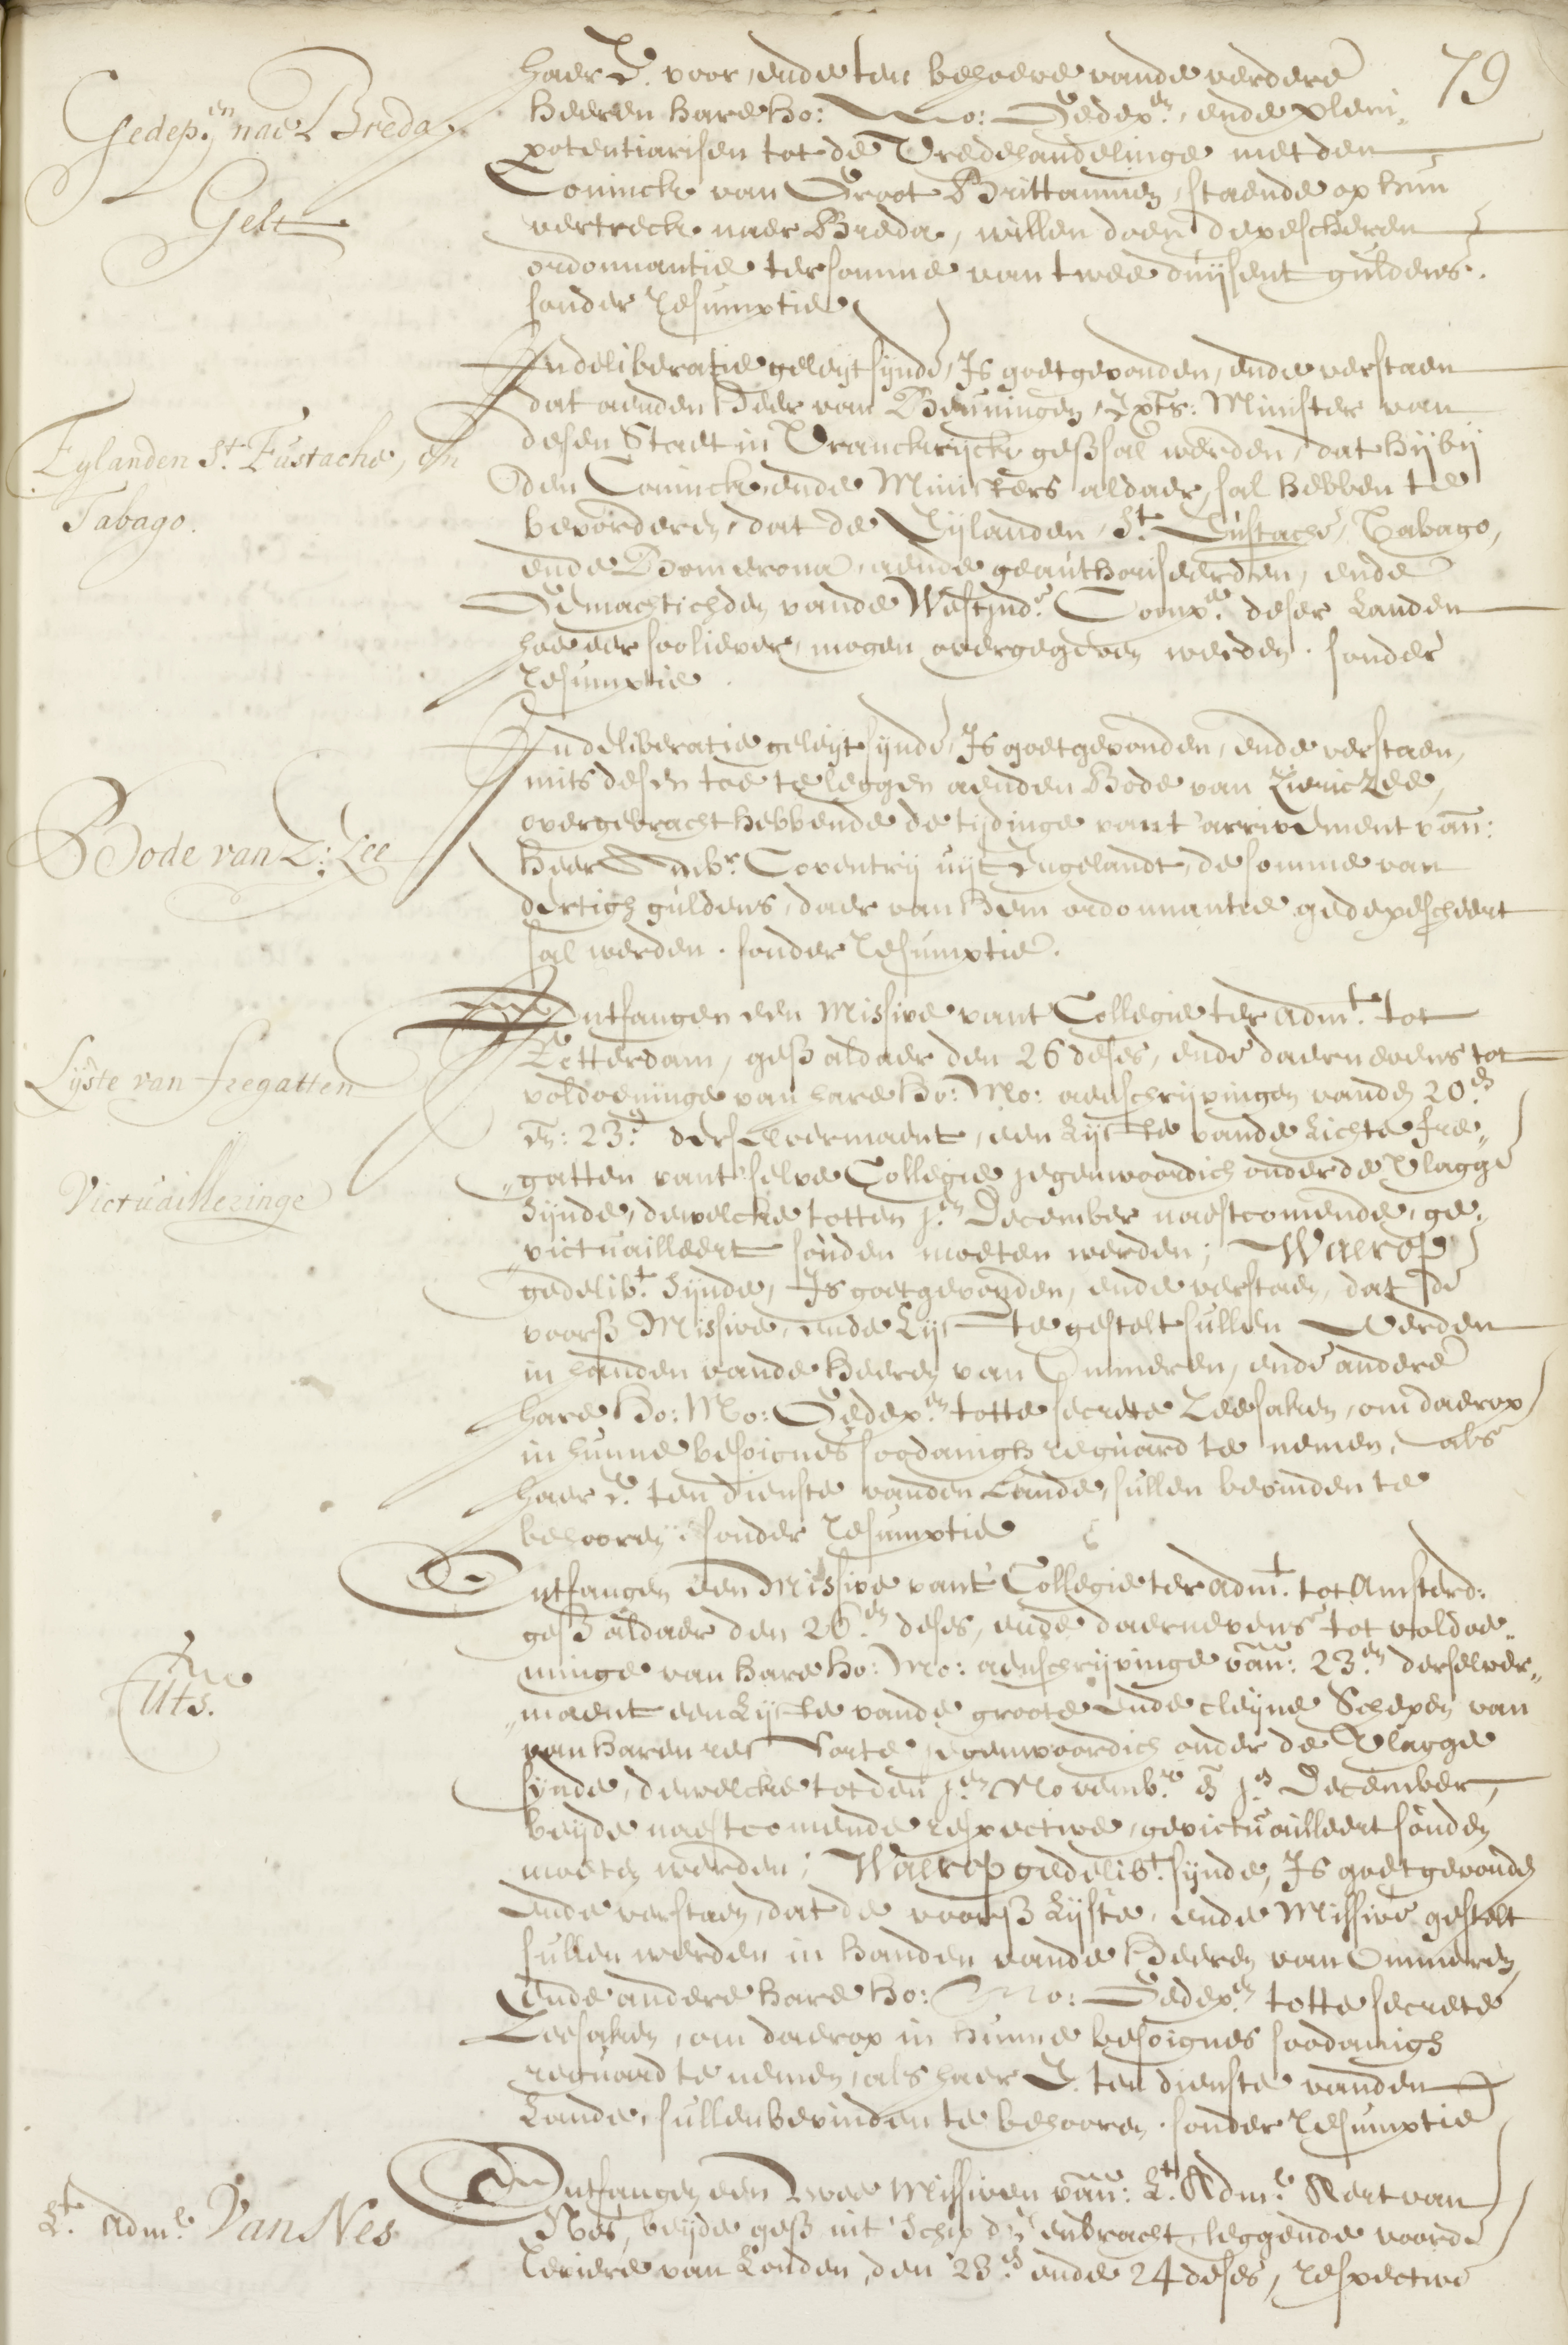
79
Gedepen. nae Breda.
Gelt
haer E. voor, ende ter behoeve vande verdere
heeren hare Ho:Mo: Gedepen., ende pleni,,
potentiarisen tot de Vredehandelinge met den
Coninck van Groot Brittannien, staende op hun
vertreck naer Breda, willen doen depescheren
ordonnantie ter somme van twee duijsent guldens,
sonder resumptie.
Eylanden St. Eustache, en
Tabago.
In deliberatie geleijt sijnde, Is goetgevonden, ende verstaen
dat aenden Heer van Beuningen Exts: Minister van
desen Staet in Vranckrijck ges sal werden, dat hij bij
den Coninck, ende Ministers aldaer, sal hebben te
bevorderen, dat de Eijlanden, St. Eustache, Tabago,
ende Bomerona, aende geauthoriseerden, ende
Gemachtichden vande Westinde. Compe. deser Landen
hoe eer soo liever, mogen overgegeven werden sonder
Resumptie.
Bode van Z.Zee
In deliberatie geleijt sijnde, Is goetgevonden, ende verstaen,
mits desen toe te leggen aenden Bode van ZiericZee
overgebracht hebbende de tijdinge vant' arrivement van:
Heer Ambr. Coventrij uijt Engelandt, de somme van
dertich guldens, daer van hem ordonnantie gedepescheert
sal werden, sonder Resumptie.
Lijste van Fregatten
Victuailleringe
Ontfangen een Missive vant Collegie ter Admt. tot
Rotterdam, ges aldaer den 26 deses, ende daernevens tot
voldoeninge van hare Ho:Mo: aenschrijvingen vanden 20en.
en: 23en. derselver maent, een Lijste vande Lichte fre„
„gatten vant‛ selve Collegie jegenwoordich onder de Vlagge
sijnde, dewelcke totten 1en. December naestcomende, ge„
„victuailleert souden moeten werden: Waerop
gedelibt. sijnde, Is goetgevonden, ende verstaen, dat de
voors Missive, ende Lijste gestelt sullen Werden
in handen vande Heeren van Ommeren, ende andere
hare Ho:Mo: Gedepen. totte secrete Zeesaken, om daerop
in hunne besoignes soodanigh reguard te nemen, als
haer E. ten dienste vanden Lande, sullen bevinden te
behooren, sonder Resumptie.
Uts.
Ontfangen een Missive vant‛ Collegie ter Admt. tot Amsterd:
ges aldaer den 26en. deses, ende daernevens tot voldoe„
ninge van hare Ho:Mo: aenschrijvinge van 23en. derselver„
„maent een Lijste vande groote ende cleijne Schepen van
van haren ressorte jegenwoordich onder de Vlagge
sijnde, dewelcke tot den 1en. Novembr. en 1en. December,
beijde naestcomende respective, gevictuailleert souden
moeten werden; Waerop gedelibt. sijnde, Is goetgevonden
ende verstaen, dat de voors Lijste, ende Missive gestelt
sullen werden in handen vande Heeren van Ommeren,
ende andere hare Ho:Mo: Gedepen. totte secrete
Zeesaken, om daerop in hunne besoignes soodanigh
reguard te nemen, als haer E. ten dienste vanden
Lande, sullen bevinden te behooren, sonder Resumptie
Lt. Adml. Van Nes.
Ontfangen een twee Missiven van: Lt. Adml. Aert van
Nes, beijde ges int' Schip d‛Eendracht, leggende voorde
Reviere van Londen, den 23en. ende 24 deses, respective
